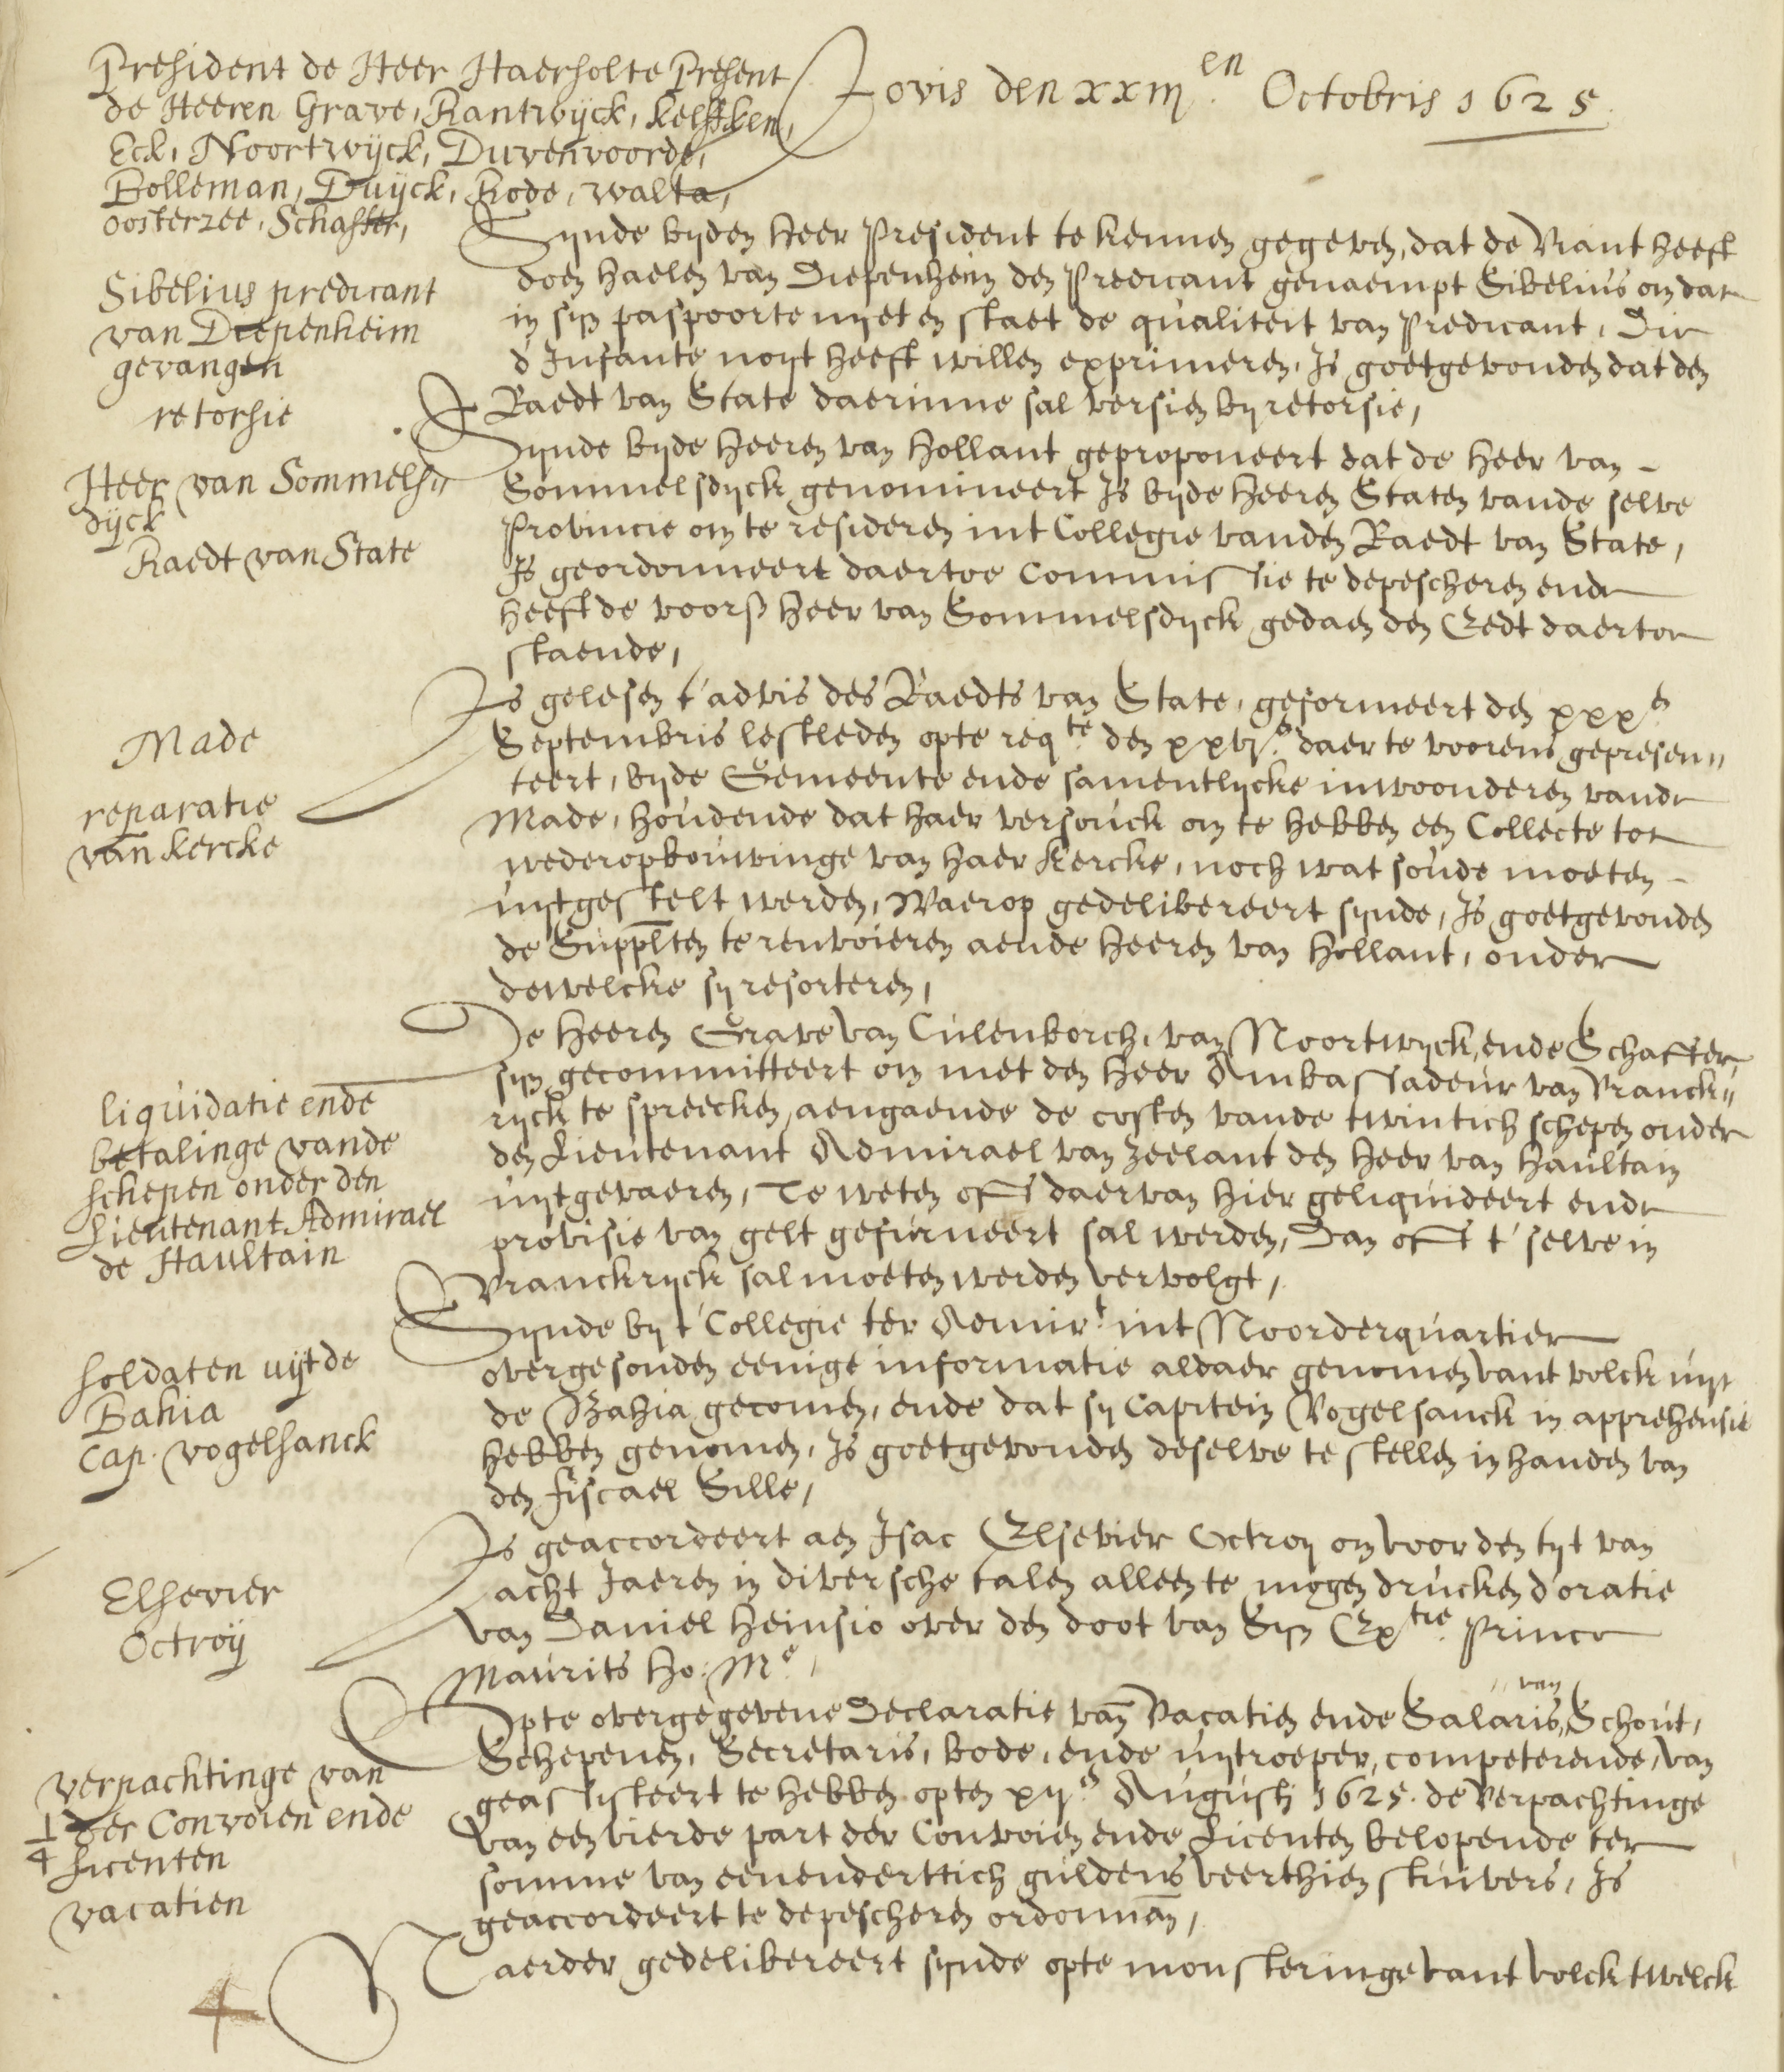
Jovis den xxiijen Octobris 1625
President de Heer Haersolte Present
de Heeren Grave, Rantwijck, Kelffken,
Eck, Noortwijck, Duvenvoorde,
Bolleman, Duijck, Rode, Walta
oosterzee, Schaffer,
Sibelius predicant
van Diepenheim
gevangen
retorsie
Synde byden heer President te kennen gegeven, dat de viant heeft
doen haelen van Diepenheim den Predicant genaempt Sibelius om dat
in syn paspoorte nyet en staet de qualiteit van Predicant, Die
d‛Infante noyt heeft willen exprimeren, Is goetgevonden dat den
Raedt van State daerinne sal versien by retorsie.
Heer van Sommels„
dijck
Raedt van State
Synde byde heeren van Hollant geproponeert dat de heer van
Sommelsdyck genomineert Is byde heeren Staten vande selve
Provincie om te resideren int Collegie vanden Raedt van State.
Is geordonneert daertoe commissie te depescheren ende
heeft de voors heer van Sommelsdyck gedaen den Eedt daertoe
staende.
Made
reparatie
van kercke
Is gelesen t'advis des Raedts van State, geformeert den xxxen.
Septembris lestleden opte reqte. den xxvien. daer te voorens gepresen„
teert, byde Gemeente ende samentlycke inwoonderen vande
Made, houdende dat haer versouck om te hebben een Collecte tot
wederopbouwinge van haer Kercke, noch wat soude moeten
uytgestelt werden. Waerop gedelibereert synde, Is goetgevonden
de Supplten te renvoieren aende heeren van hollant, onder
dewelcke sy resorteren.
liquidatie ende
betalinge vande
schepen onder den
Lieutenant Admirael
de Haultain
De heeren Grave van Culenborch, van Noortwyck ende Schaffer,
syn gecommitteert om met den heer Ambassadeur van Vranck„
ryck te spreecken, aengaende de costen vande twintich schepen onder
den Lieutenant Admirael van Zeelant den heer van Haultain
uytgevaeren, Te weten off daervan hier geliquideert ende
provisie van gelt gefurneert sal werden, Dan off t'selve in
Vranckryck sal moeten werden vervolgt.
soldaten uijt de
Bahia
Cap. Vogelsanck
Synde by t‛Collegie ter Admirt. int Noorderquartier
overgesonden eenigt informatie aldaer genomen vant volck uyt
de Bahia gecomen, ende dat sy Capitein Vogelsanck in apprehensie
hebben genomen. Is goetgevonden deselve te stellen in handen van
den fiscael Sille.
Elsevier
Octroij
Is geaccordeert aen Isac Elsevier Octroy om voor den tyt van
acht Jaeren in diversche talen alleen te mogen drucken d'oratie
van Daniel heinsio over den doot van Syn Extie. Prince
Maurits Ho:Me:
verpachtinge van
¼ der convoien ende
Licenten
vacatien
Opte overgegevene Declaratie van Vacatien ende Salaris„van Schout,
Schepenen, Secretaris, bode, ende uytroeper, competerende, van
geassisteert te hebben opten xijen. Augusti 1625. de verpachtinge
van een vierde part der Convoien ende Licenten belopende ter
somme van eenenderttich guldens veerthien stuivers, Is
geaccordeert te depescheren ordonnan,
Naerder gedelibereert synde opte monsteringe vant volck twelck
